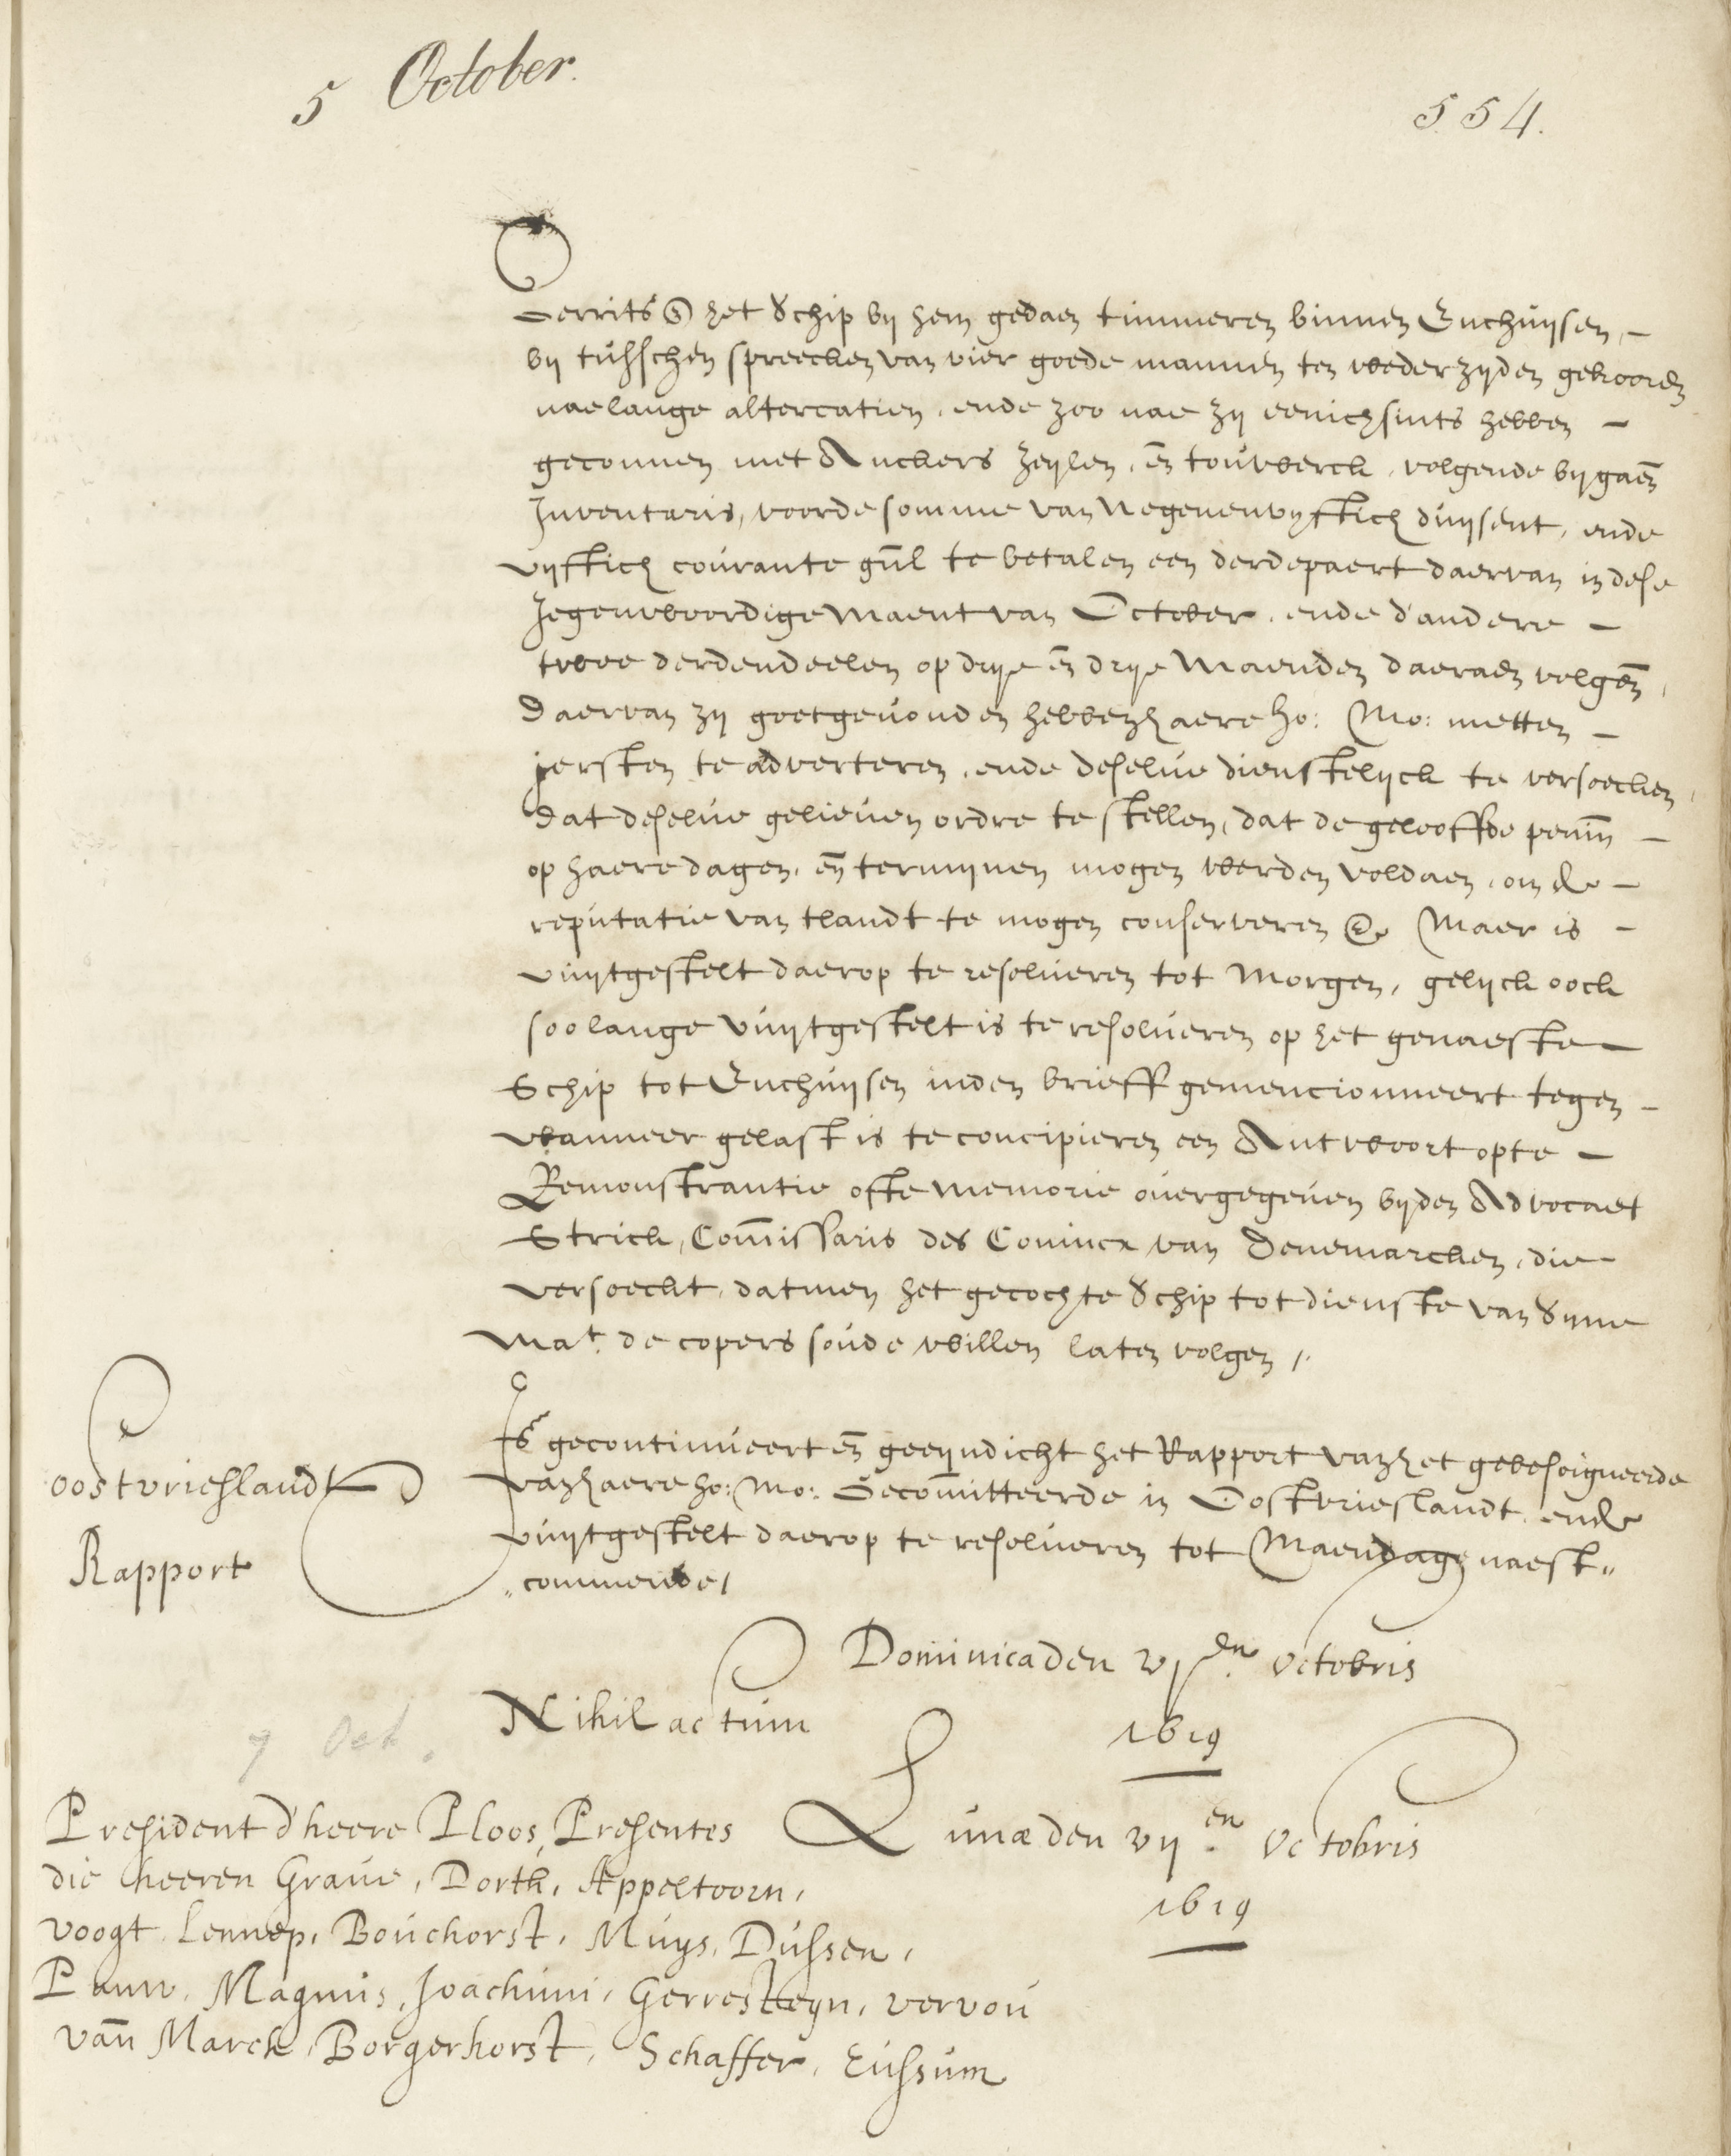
554.
5 October.
Gerritsz het Schip bij hem gedaen timmeren binnen Enchuysen —
by tusschen spreecken van vier goede mannen ten wederzyden gehooren
naelange altercatien, ende zoo nae zy eenichsints hebben
geconnen met Anckers zeylen, en touwerck, volgende bygaen
Inventaris, voorde somme van Negenenvyftich duysent, ende
vyftich courante gul te betalen een derdepaert daervan in dese
Jegenwoordige maent van October, ende d'andere —
twee derdendeelen op drye en drye maenden daeraen volgen,
Daervan zy goetgeuonden hebben haere ho:Mo: metten —
jersten te adverteren, ende deselue dienstelyck te versoecken
dat deselue gelieuen ordre te stellen, dat de gelooffde penin -
op haere dagen, en termynen mogen werden voldaen, om de
reputatie van tlandt te mogen conserveren @ maer is —
vuytgestelt daerop te resolueren tot morgen, gelyck oock
soo lange vuytgestelt is te resolueren op het genaeste
Schip tot Enchuysen inden brieff gemencionneert tegen -
wanneer gelast is te concipieren een Antwoort opte —
Remonstrantie ofte memorie ouergegeuen byden Advocaet
Strick, Comissaris des Conincx van Denemarcken, die
versoeckt, datmen het gecochte Schip tot dienste van Syne
Mat. de copers soude willen laten volgen.
oostvrieslandt
Rapport
Is gecontinueert en geeyndicht het Rapport van het gebesoigneerde
van haere ho:Mo: Gecomitteerde in Oostvrieslandt, ende
vuytgestelt daerop te resolueren tot Maendage naest„
„commende.
Dominica den vjen. octobris
1619
Luna den vijen. octobris
1619
Nihil actum
President d'heere Ploos, Presentes
die heeren Graue, Dorth, Appeltoorn,
voogt Lennep, Bouchorst, Muys, Dussen,
Pauw, Magnus Joachimi, Gerresteyn, vervou
van Marck, Borgerhorst, Schaffer, Eussum
